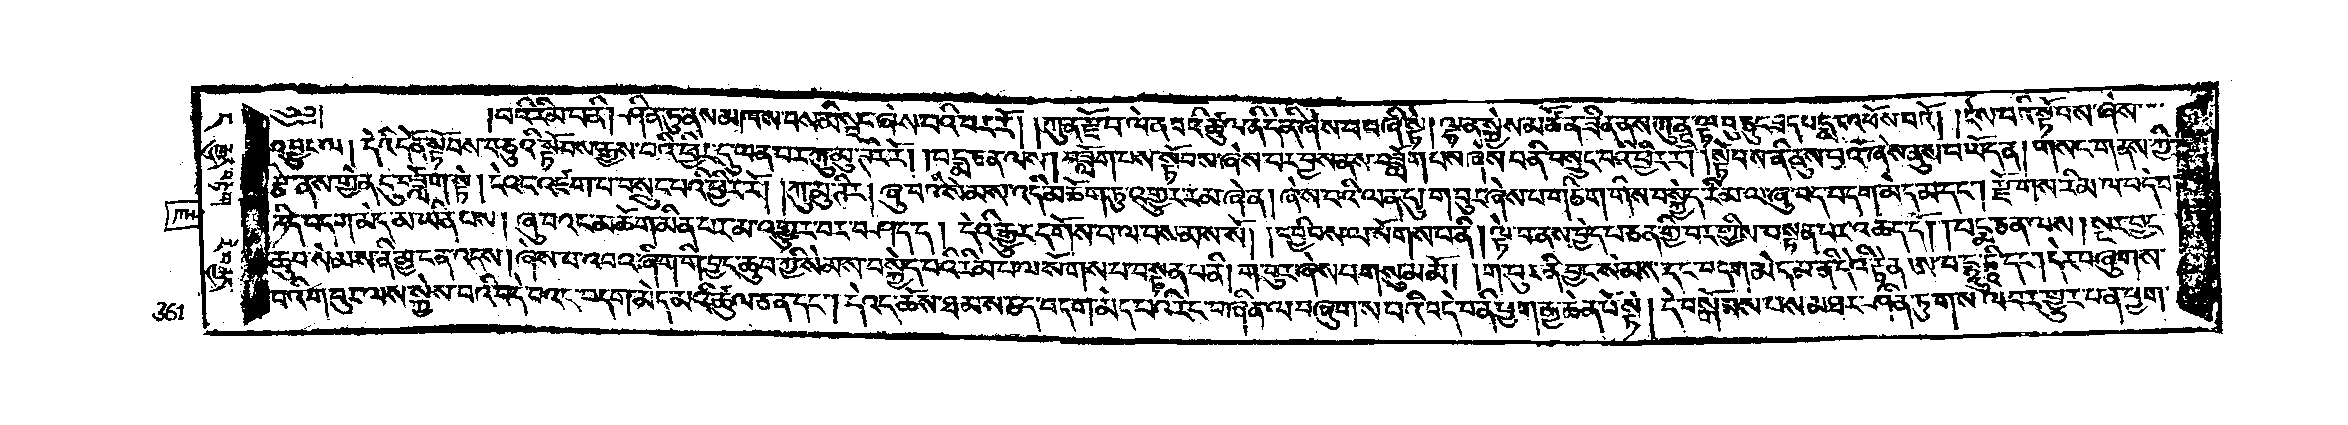༄༅། །པའི་རིམ་པ་ནི། ཤིན་ཏུ་ནས་མཁས་པས་མི་སྤང་ཞེས་པའི་བར་རོ། །ཀུན་རྫོབ་ལེན་པའི་ཚུལ་ནི་དེ་ནི་ཞེས་པ་བཞི་སྟེ། ལྷན་སྐྱེས་མཚོན་ཟིན་ནས་ཀུནྡ་ལྟ་བུ་ཅུང་ཟད་པདམ་འཕོས་པའོ། །ངེས་པའི་སྟོབས་ཞེས་
འབྱུང་ལ། དེའི་དོན་སྟོབས་བཅུའི་སྟོབས་རྒྱས་པའི་ཕྱིར་དུ་ལན་པར་ཀུ་མུ་ཊིར་རོ། །པདམ་ཅན་ལས། བཟློག་པས་སྟོབས་ཞེས་པར་བྱས་ནས་བཟློག་པས་ཞེས་པ་ནི་བསྲུང་བའི་ཕྱིར་རོ། །སྟོབས་ནི་ནུས་བྱའོ་ཞེས་ནུས་པ་ཡོད་ན། གསང་གནས་ཀྱི་
རྩེ་ནས་གྱེན་དུ་བཟློག་སྟེ། དེའང་འཛག་པ་བསྲུང་པའི་ཕྱིར་རོ། །ཀུ་མུ་ཊིར། ཞུ་བའི་སེམས་འདི་མཆོག་ཏུ་འགྱུར་རམ་ཞེ་ན། ཞེས་པའི་ལན་དུ། ག་བུར་ཞེས་པ་གཅིག་གིས་བསྐྱེད་རིམ་ལ་ཞུ་བདེ་བདག་མེད་མ་དང་། རྫོགས་རིམ་ལ་བདེ་བ་
ཉིད་བདག་མེད་མ་ཡིན་པས། ཞུ་བའང་མཆོག་མིན་པར་མ་འགྱུར་བར་བཤད་དེ། དེའི་རྒྱུར་དགོས་པ་ལ་བསམས་སོ། །དབྱིབས་ལ་སོགས་པ་ནི། ལྟེ་བ་ནས་བྱེད་པ་ཅན་གྱི་བར་གྱིས་བསྟན་པར་འཆད་དོ། །པདམ་ཅན་ལས། སྔར་བྱང་
ཆུབ་སེམས་ནི་མྱ་ངན་འདས། ཞེས་པ་འབའ་ཞིག་གི་བྱང་ཆུབ་ཀྱི་སེམས་བསྐྱེད་པའི་རིམ་པ་ལ་སོགས་པ་བསྟན་པ་ནི། ག་བུར་ཞེས་པ་གསུམ་མོ། །ག་བུར་ནི་བྱང་སེམས་དང་བདག་མེད་མ་ནི་དེའི་རྟེན་ཨ་བ་དྷཱུ་ཏཱི་དང་། དེར་བཞུགས་
བའི་ག་བུར་ལས་སྐྱེས་པའི་བདེ་བའང་བདག་མེད་མའི་ཚུལ་ཅན་དང་། དེའང་ཆོས་ཐམས་ཅད་བདག་མེད་པའི་རང་བཞིན་ལ་བཞུགས་པའི་བདེ་བ་ནི་ཕྱག་རྒྱ་ཆེན་པོ་སྟེ། དེ་བསྒོམས་པས་མཐར་ཤིན་ཏུ་གསལ་བར་གྱུར་པ་ན་ཕྱག་